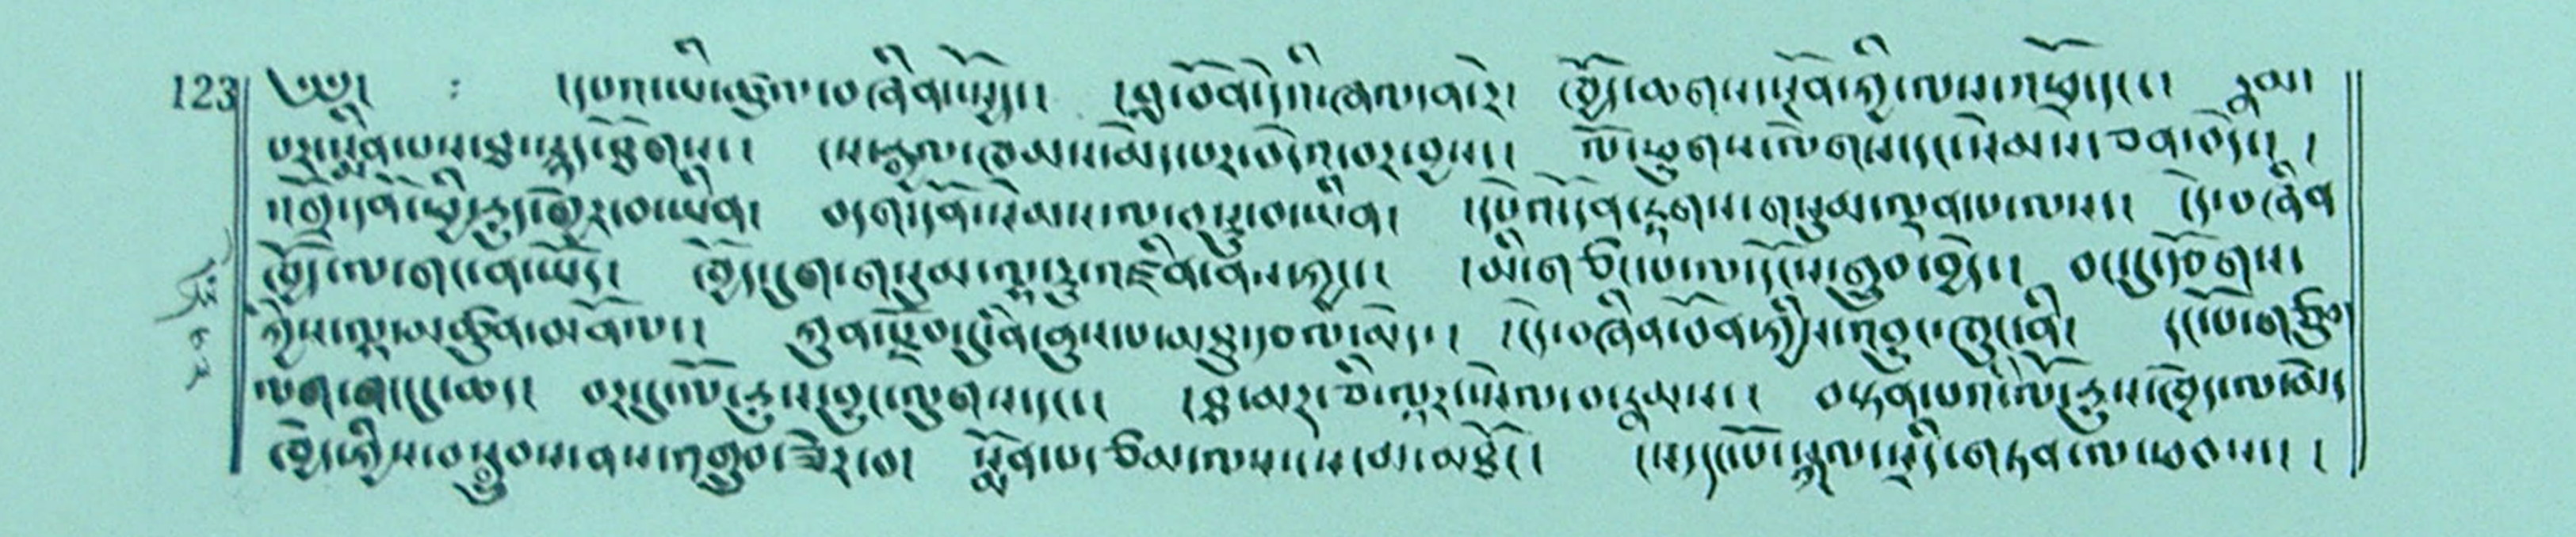༄༅། །དཔའི་ཚུལ་བཞིན་སྤྱོད། བླ་བོན་དེའི་ཞལ་ན་རེ། ཁྱོད་ཅག་སྔོན་གྱི་ལས་འཕྲོ་དང་། རྣམ་
པར་སྨིན་པས་ཐ་སྙད་འདོགས། ངས་རྒྱལ་ཁམས་མེད་པར་བདེ་བར་བྱས། ལོ་ཕྱུགས་ལེགས་དང་སེམས་ཅན་བདེ། 
འགྲོ་དོན་ཕྱི་རྒྱུད་གྱེར་བ་ཡིན། བདག་དོན་སེམས་ལ་བསྡུ་བ་ཡིན། དཔེ་དོན་རྟགས་གསུམ་ལྡན་པ་ལས། ངེད་བཞིན་
ཁྱོད་ལ་གང་ལ་ཡོད། ཁྱོད་དུག་གསུམ་ལྷ་རུ་འཛིན་ནས་ཀྱང་། ངམི་གཙང་པ་ལ་དངོས་གྲུབ་བྱེད། བང་དུ་རྩོགས་
ཀྱིས་ལྷ་མཚུན་མནོལ། ཀུན་རྫོབ་དུ་ནི་ནུས་པ་མཐུ་རྩལ་མེད། ངེད་བཞིན་བོན་གྱི་བྱུང་ཁུངས་ནི། དང་པོ་གཙུག་
ལག་གང་དུ་ཆད། བར་དུ་ལོ་རྒྱུས་བྱུང་ལུགས་དང་། ཐ་མར་ཅི་ལྟར་སྤེལ་བ་རྣམས། བསྟན་པའི་ལོ་རྒྱུས་ཁྱེད་ལ་མེད། 
ཁྱེད་ཀྱིས་བསྒྲུབ་ནས་འགྲུབ་ཟེར་བ། སྨོན་པ་ཙམ་ལས་ངས་མ་མཐོང་། ངས་དང་པོ་བསྐལ་སྲིད་གཏན་ལ་ཕབས།